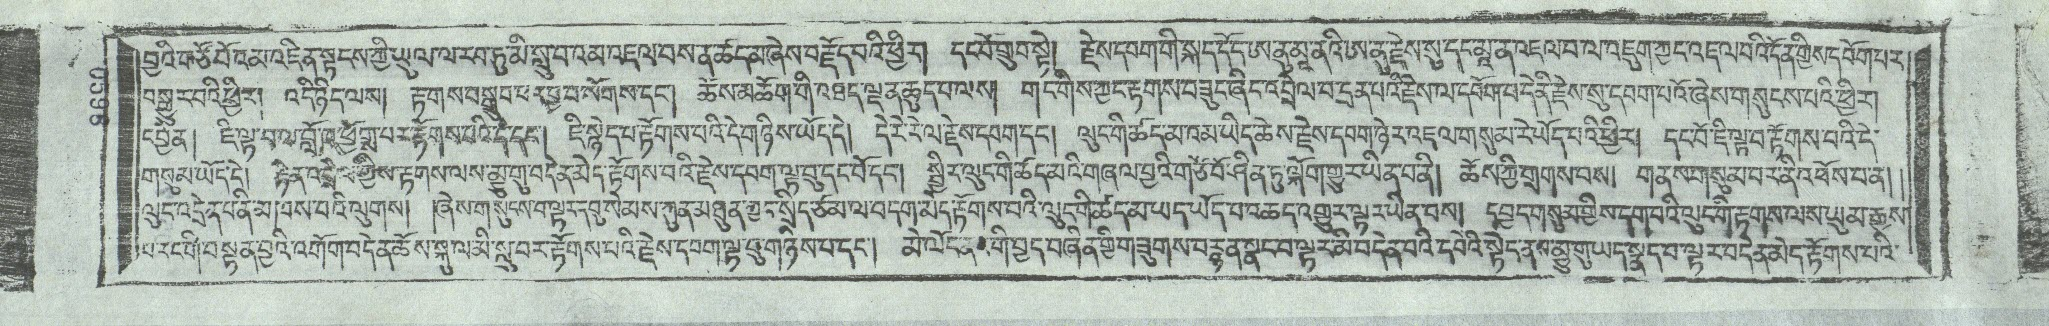བྱའི་གཙོ་བོ་འམ་འཛིན་སྟངས་ཀྱི་ཡུལ་ལ་རབ་ཏུ་མི་སླུ་བ་འམ་འཇལ་བས་ན་ཚད་མ་ཞེས་བརྗོད་པའི་ཕྱིར། དང་པོ་གྲུབ་སྟེ། རྗེས་དཔག་གི་སྐད་དོད་ཨ་ནུ་མཱ་ནའི་ཨ་ནུ་རྗེས་སུ་དང་མཱ་ན་འཇལ་བ་ལ་འཇུག་ཀྱང་འཇལ་བའི་དོན་གྱིས་དཔོག་པར་
བསྒྱུར་བའི་ཕྱིར། འདི་ཉིད་ལས། རྟགས་བསྒྲུབ་པར་བྱ་བ་སོགས་དང་། ཆོས་མཆོག་གི་འཐད་ལྡན་ཆུད་པ་ལས། གང་གིས་ཀྱང་རྟགས་བཟུང་ཞིང་འབྲེལ་བ་དྲན་པའི་རྗེས་ལ་དཔོག་པ་དེ་ནི་རྗེས་སུ་དཔག་པའོ་ཞེས་གསུངས་པའི་ཕྱིར།
དབྱེ་ན། ཇི་ལྟ་བ་ལ་བློ་ཁ་ཕྱོགས་པར་རྟོགས་པའི་དེ་དང་། ཇི་སྙེད་པ་རྟོགས་པའི་དེ་གཉིས་ཡོད་དེ། དེ་རེ་རེ་ལ་རྗེས་དཔག་དང་། ལུང་གི་ཚད་མ་འམ་ཡིད་ཆེས་རྗེས་དཔག་ཉེར་འཇལ་གསུམ་རེ་ཡོད་པའི་ཕྱིར། དང་པོ་ཇི་ལྟ་བ་རྟོགས་པའི་དེ་
གསུམ་ཡོད་དེ། རྟེན་འབྲེལ་གྱིས་རྟགས་ལས་མྱུ་གུ་བདེན་མེད་རྟོགས་པའི་རྗེས་དཔག་ལྟ་བུ་དང་པོ་དང་། སྤྱིར་ལུང་གི་ཚད་མའི་གཞལ་བྱའི་གཙོ་བོ་ཤིན་ཏུ་ལྐོག་གྱུར་ཡིན་པ་ནི། ཆོས་ཀྱི་གྲགས་པས། གནས་གསུམ་པར་ནི་འཕོས་པ་ན། །
ལུང་འདྲེན་པ་ནི་མཁས་པའི་ལུགས། །ཞེས་གསུངས་པ་ལྟར་དབུ་སེམས་ཀུན་མཐུན་ཀྱང་སྲིད་ཙམ་ལ་བདག་མེད་རྟོགས་པའི་ལུང་གི་ཚད་མ་ཡང་ཡོད་པ་འཆད་འགྱུར་ལྟར་ཡིན་པས། དཔྱད་གསུམ་གྱིས་དག་པའི་ལུང་གི་རྟགས་ལས་ཡུམ་རྒྱས་
པ་རང་གི་བསྟན་བྱའི་འགོག་བདེན་ཆོས་སྐུ་ལ་མི་སླུ་བར་རྟོགས་པའི་རྗེས་དཔག་ལྟ་བུ་གཉིས་པ་དང་། མེ་ལོང་ནང་གི་བྱད་བཞིན་གྱི་གཟུགས་བརྙན་སྣང་བ་ལྟར་མི་བདེན་པའི་དཔེའི་སྟེང་ནས་མྱུ་གུ་ཡང་སྣང་བ་ལྟར་བདེན་མེད་རྟོགས་པའི་